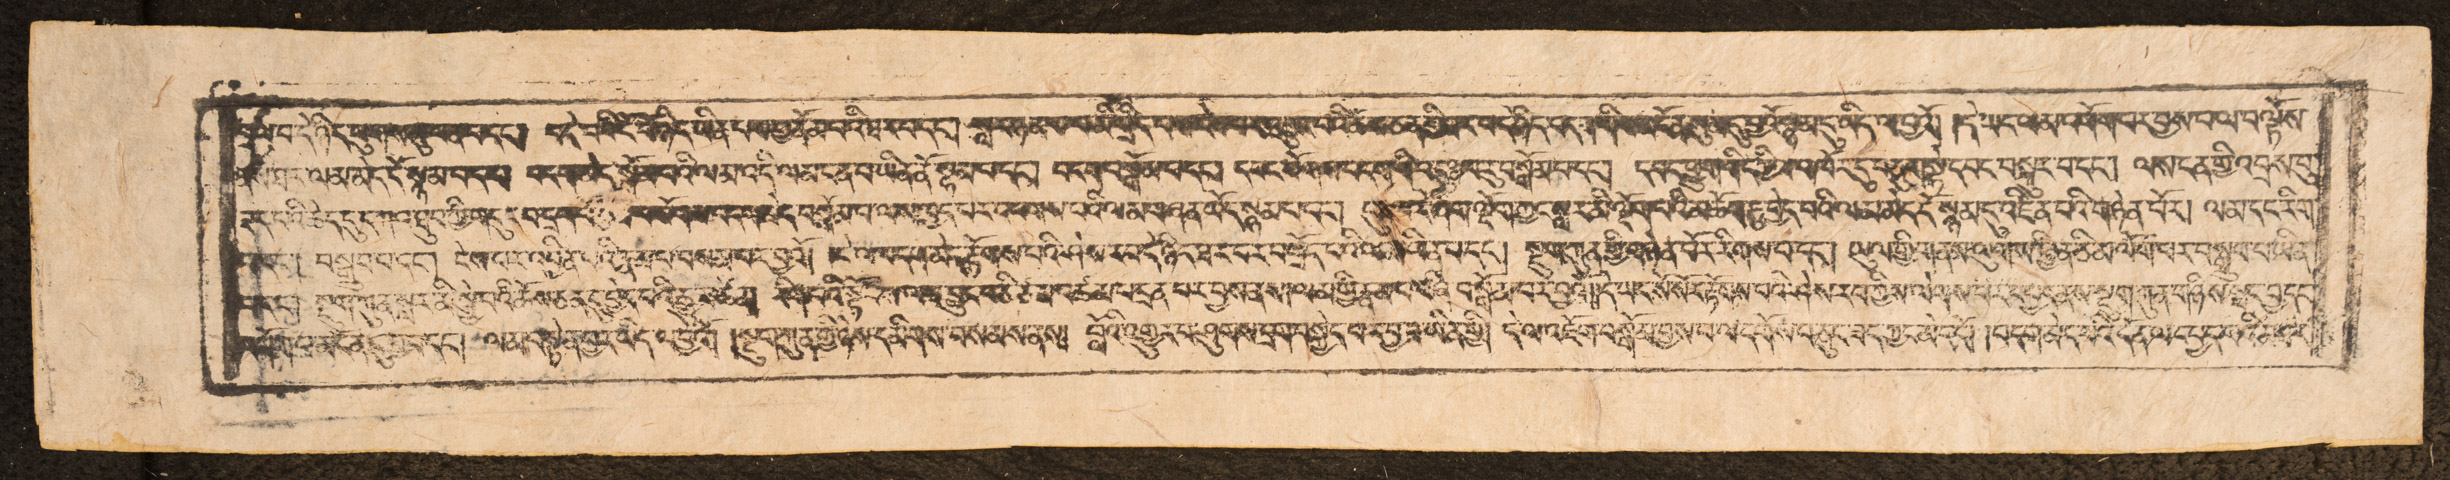བྲལ་བ་དེ་ཉིད་ཕུགས་སུ་ཕན་པ་དང་། བདེ་བའི་ངོ་བོ་ཉིད་ཡིན་པས་གྱ་ནོམ་པའི་ཐར་པ་དང་། སླར་ཉམས་པ་མི་སྲིད་པས་ངེས་པར་འབྱུང་བའི་ཆོས་ཅན་གྱི་ཐར་པ་དེ་ཉིད་བདག་གིས་མངོན་སུམ་དུ་བྱའོ་སྙམ་དུ་ཡིད་ལ་བྱའོ། །དེ་ཡང་ལམ་འགོག་པར་བྱས་པ་ལ་བལྟོས་
ནས་ཐར་ལམ་མེད་དོ་སྙམ་པ་དང་། བདག་མེད་སྒོམ་པའི་ལམ་འདི་ལམ་ངན་པ་ཡིན་ནོ་སྙམ་པ་དང་། བདག་བསྒོམ་པ་དང་། དབང་སོགས་བདག་གི་བ་དུཿ ཁ་རུ་བསྒོམ་པ་དང་། དབང་ཕྱུག་གི་དཀྱིལ་འཁོར་དུ་བཅུག་སྟེ་དབང་བསྐུར་བ་དང་། ལས་ངན་གྱི་འབྲས་བུ་
ཟད་པའི་ཆེད་དུ་དཀའ་ཐུབ་ཀྱི་གདུང་བ་དྲག་པོ་རྩོམ་པ་སོགས་བདག་མེད་བསྒོམ་པ་ལས་ཁྱད་པར་འཕགས་པའི་ལམ་གཞན་ཡོད་སྙམ་པ་དང་། དུཿ ཁ་རེ་ཞིག་ལྡོག་ཀྱང་སླར་མི་ལྡོག་པའི་མཆོག་ཏུ་བྱེད་པའི་ལམ་མེད་དོ་སྙམ་དུ་འཛིན་པའི་གཉེན་པོར། ལམ་དང་རིག་
པ་དང་། བསྒྲུབ་པ་དང་། ངེས་པར་འབྱིན་པའི་རྣམ་པ་བསམ་པར་བྱའོ། །དེ་ལ་བདག་མེད་རྟོགས་པའི་ཤེས་རབ་དེ་ཉིད་ཐར་པར་བགྲོད་པའི་ལམ་ཡིན་པ་དང་། སྡུག་ཀུན་གྱི་གཉེན་པོར་རིགས་པ་དང་། ཡུལ་གྱི་གནས་ལུགས་ཕྱིན་ཅི་མ་ལོག་པར་བསྒྲུབ་པ་ཡིན་
པ་དང་། སྡུག་ཀུན་སླར་མི་སྐྱེ་བའི་ཆོས་ཅན་དུ་བྱེད་པའི་རྒྱུ་མཚན། རིག་པའི་སྟོབས་ལས་བྱུང་བ་ཅི་ཙམ་འཚམ་པ་དྲན་པར་བྱས་ནས། ལམ་གྱི་རྣམ་པ་བཞི་བསྒོམ་པར་བྱའོ། །དེ་ཡང་སོ་སོར་རྟོགས་པའི་ཤེས་རབ་ཀྱིས་ལེགས་པར་དཔྱད་ནས་སྡུག་ཀུན་གཉིས་སྤང་བྱ་དང་
འགོག་པ་མངོན་དུ་བྱ་བ་དང་། ལམ་བསྟེན་བྱར་ཡིད་ལ་བྱའོ། །སྡུག་ཀུན་གྱི་ཉེས་དམིགས་བསམས་ནས། བློའི་འགྱུར་བ་ཤུགས་དྲག་བསྐྱེད་པར་བྱ་བ་ཡིན་གྱི། དེ་ལ་འཇོག་བསྒོམ་བྱས་པ་ལ་དགོས་པ་ཅུང་ཟད་ཀྱང་མེད་དོ། །བདག་མེད་པའི་དོན་ལ་དཔྱད་པའི་མཐར་